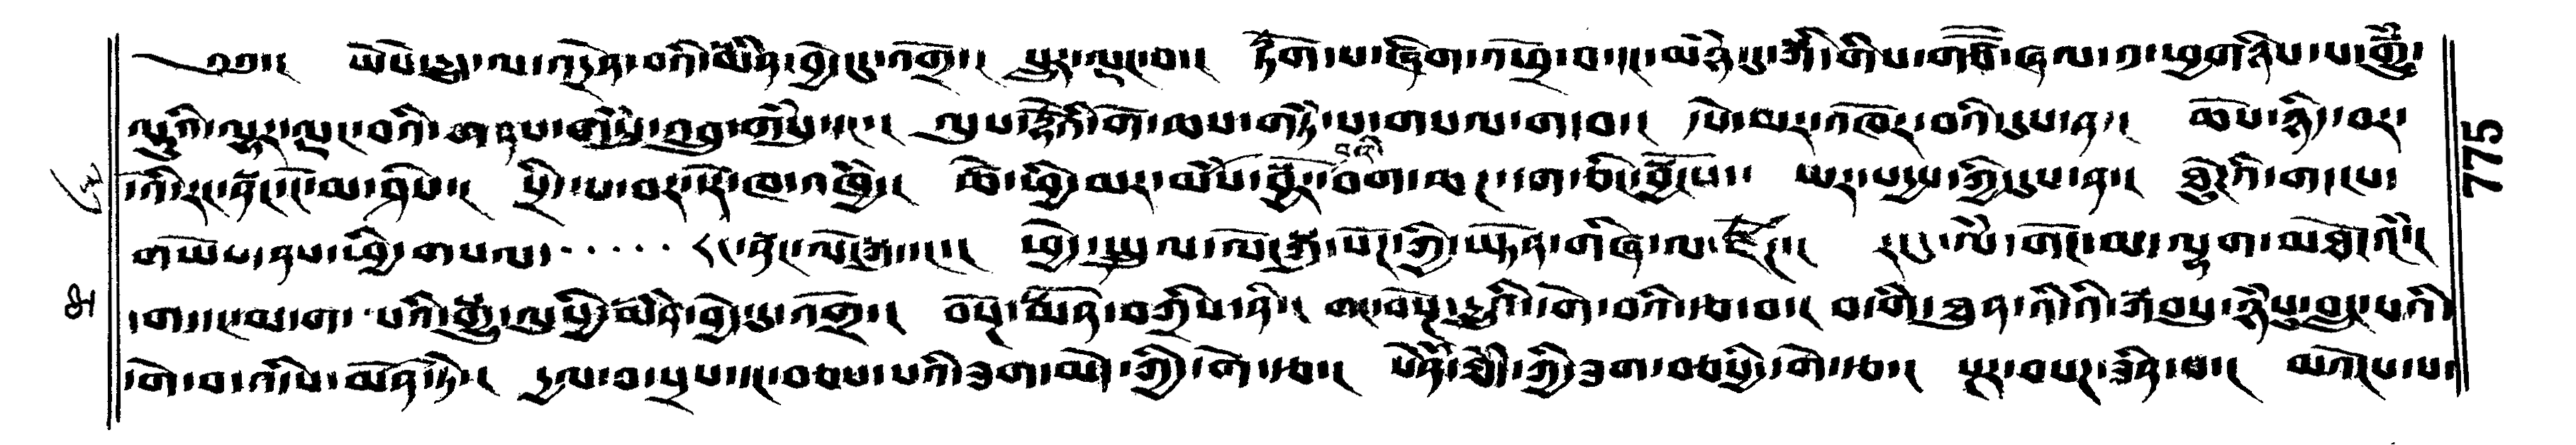ཡེ་ཤེས་རྒྱུད་ལ་འདྲེན་པའི་སྨིན་བྱེད་དུ་འགྲོ། སླར་ལྡང་བ། རྟོག་པ་ཞིག་འཕྲོ་བ་དང་མཉམ་དུ་སྐད་ཅིག་གིས་གཙོ་བོ་ཞལ་གཅིག་ཕྱག་གཉིས་པ་སྒྱུ་མ་
ལྟ་བུའི་ལྷར་ལྡང་བའི་གནས་གསུམ་འབྲུ་གསུམ་དང་།ལུས་རྡོ་རྗེའི་གོ་ཆས་གཏམས་པ་གསལ་གདབ། དེས་མར་འཁོར་བའི་དུས་ན། ཆོས་ཉིད་བར་
དོའི་རང་སྣང་ངོ་མ་ཤེས། སྲིད་པ་བར་དོར་ཁ་འཁྱམས། ཚེ་ཕྱི་མར་མཚམས་སྦྱོར་བའི་བག་ཆགས་དག་ཅིང་སྦྱོང་། ཡར་སངས་རྒྱས་ཀྱི་དུས་ན། ཐུགས་རྗེའི་གདངས་
ཡོས་ནས་ཕྱི་གསལ་ རང་སྣང་ལོངས་སྐུ་དང་། ཕྱེད་སྤྲུལ་ལོངས་སྐུ་སོགས་ཀྱི་ཡོན་ཏན་གཞི་ལ་རྫོགས། རང་ལམ་གོང་མ་ལྷག་མཐོང་འམ། 
དག་དང་མ་དག་པའི་སྒྱུ་ལུས་ཀྱི་སྨིན་བྱེད་དུ་འགྲོ། བསྔོ་སྨོན་བཀྲ་ཤིས་ནི། གང་བསྔོ་རྒྱུའི་དགེ་བའི་རྩ་བ། བདག་གི་ཐུན་འདིའི་སྐབས་སུ་ཉམས་སུ་བླངས་པའི་
དགེ་བ་འདིས་མཚོན་ཏེ། རྒྱལ་བ་སྲས་དང་བཅས་པའི་ཟག་མེད་ཀྱི་དགེ་རྩ། སེམས་ཅན་ཐམས་ཅད་ཀྱི་ཟག་བཅས་ཀྱི་དགེ་རྩ། སྔར་བསགས་ཟིན་པ། མ་འོངས་པ་